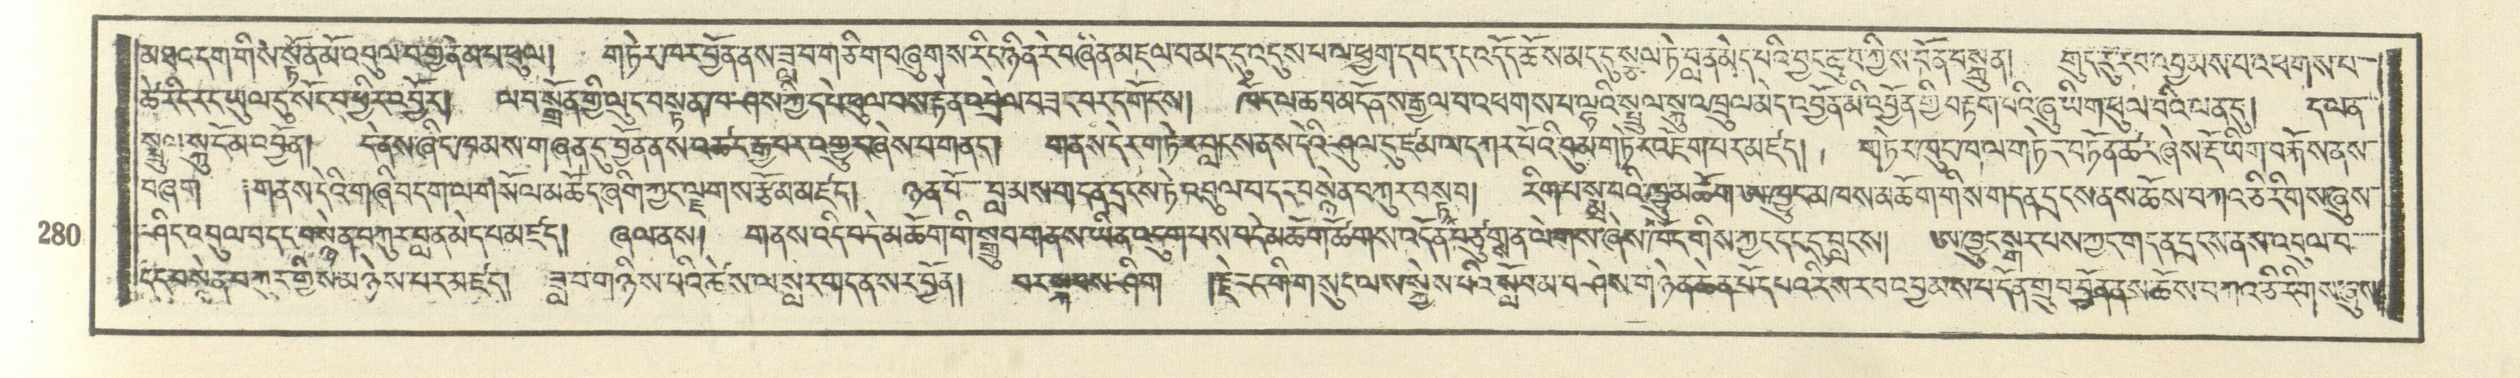མཐའ་དག་གིས་སྟོན་མོ་འབུལ་བ་གྱ་ནེམ་པ་ཕུལ། གཏེར་ཁར་བྱོན་ནས་ཟླ་བ་གཅིག་བཞུགས་རིང་ཉིན་རེ་བཞིན་མཇལ་པ་མང་དུ་འདུས་པ་ལ་ཕྱག་དབང་དང་འདོད་ཆོས་མང་དུ་སྩལ་ཏེ་བླ་ན་མེད་པའི་བྱང་ཆུབ་ཀྱི་ས་བོན་བསྐྲུན། གུད་རུ་རབ་འབྱམས་པ་འཕགས་པ་
ཚེ་རིང་རང་ཡུལ་དུ་སོར་བ་ཕྱིར་འབྱོར། ལབ་སྒྲོན་གྱི་ལུང་བསྟན་ཁ་ཤས་ཀྱི་དཔེ་ཕུལ་བས་རྟེན་འབྲེལ་བཟང་བར་དགོངས། ཁོང་ལ་ཆབ་མདོན་ས་རྒྱལ་བ་འཕགས་པ་ལྷའི་སྤྲུལ་སྐུ་འཁྲུལ་མེད་འབྱོན་མི་འབྱོན་གྱི་བརྟག་པའི་ཞུ་ཡིག་ཕུལ་བའི་ལན་དུ། ད་ལན་
སྤྲུལ་སྐུ་ངོམ་འབྱོན། དེ་ནས་ཞིང་ཁམས་གཞན་དུ་བྱོན་ནས་འཚང་རྒྱ་བར་འགྱུར་ཞེས་པ་གནད། གནས་དེར་གཏེར་བླངས་ནས་དེའི་ཤུལ་དུ་ཛམ་ལ་དཀར་པོའི་བུམ་གཏེར་འཇོག་པར་མཛད། གཏེར་ཁུང་ཁ་ལ་གཏེར་བཏོན་ཚར་ཞེས་རྡོ་ཡིག་བརྐོས་ནས་
བཞག ༑གནས་དེའི་གཞི་བདག་ལ་གསོལ་མཆོད་ཞིག་ཀྱང་ལྗགས་རྩོམ་མཛད། ཉན་པོ་བླ་མས་གདན་དྲངས་ཏེ་འབུལ་བ་དང་བསྙེན་བཀུར་བསྟབ། རིག་པ་སྨྲ་བའི་ཁྱུ་མཆོག་ཨ་ཁྱུང་མཁས་མཆོག་གིས་གདན་དྲངས་ནས་ཆོས་བཀའ་ཅི་རིགས་ཞུས་
ཤིང་འབུལ་བ་དང་བསྙེན་བཀུར་བླ་ན་མེད་པ་མཛད། ཞལ་ནས། གནས་འདི་བདེ་མཆོག་གི་སྒྲུབ་གནས་ཡིན་འདུག་པས་བདེ་མཆོག་ཚོགས་འདོན་བཙུགས་ན་ལེགས་ཞེས་ཁོང་གིས་ཀྱང་དང་དུ་བླངས། ཨ་ཁྱུང་སྒར་པས་ཀྱང་གདན་དྲངས་ནས་འབུལ་བ་
དང་བསྙེན་བཀུར་གྱིས་མཉེས་པར་མཛད། ཟླ་བ་གཉིས་པའི་ཚེས་ལ་སླར་གདན་སར་བྱོན། བར་སྐབས་ཤིག །རྗེ་རང་གི་གསུང་ལས་སྐྱེས་པའི་སློབ་མ་བཤེས་གཉེན་ཆེན་པོ་དཔའ་རིས་རབ་འབྱམས་པ་དོན་གྲུབ་བྱོན་ནས་ཆོས་བཀའ་ཅི་རིགས་ཞུས།